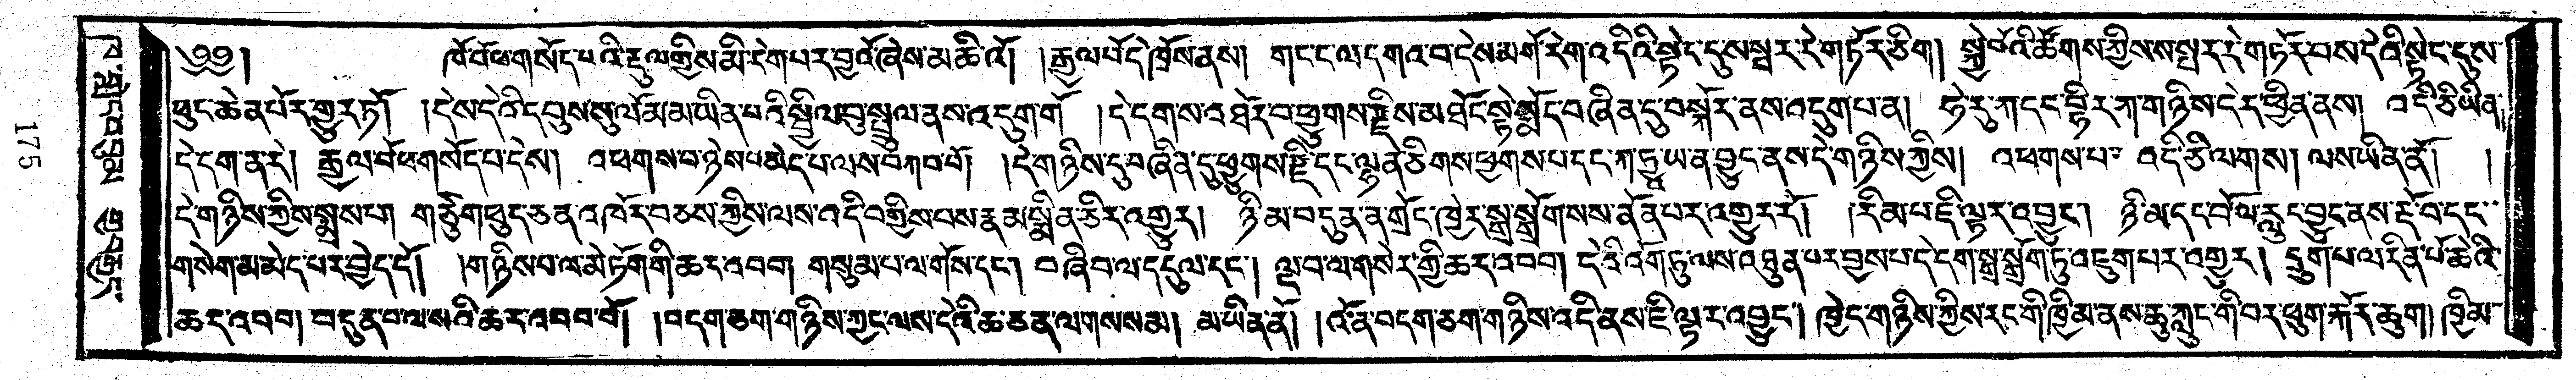༄༅། །ཁོ་བོ་ཕ་གསོད་པའི་རྡུལ་གྱིས་མི་རེག་པར་བྱའོ་ཞེས་མཆི་འོ། །རྒྱལ་པོ་དེ་ཁྲོས་ནས། གང་ང་ལ་དགའ་བ་དེས་མགོ་རེག་འདིའི་སྟེང་དུ་ས་སྦར་རེ་གཏོར་ཅིག། སྐྱེ་བོའི་ཚོགས་ཀྱིས་ས་སྤར་རེ་གཏོར་བས་དེའི་སྟེང་དུས་
ཕུང་ཆེན་པོར་གྱུར་ཏོ། །དེས་དེའི་དབུས་སུ་ལོ་མ་མ་ཡིན་པའི་སྦྱིལ་བུ་སྤྲུལ་ནས་འདུག་གོ །དེ་དག་ས་འཐོར་བ་ཕྱུགས་རྫིས་མཐོང་སྟེ་སྨོད་བཞིན་དུ་བསྐོར་ནས་འདུག་པ་ན། ཧེ་རུ་ཀ་དང་བྷིར་ཀ་གཉིས་དེར་ཕྱིན་ནས། འདི་ཅི་ཡིན་
དེ་དག་ན་རེ། རྒྱལ་བོ་ཕ་གསོད་པ་དེས། འཕགས་པ་ཉེས་པ་མེད་པ་ལས་བཀབ་བོ། །དེ་གཉིས་དུ་བཞིན་དུ་ཕྱུགས་རྫི་དང་ལྷན་ཅིགས་ཕྱགས་པ་དང་ཀ་ཏྱཱ་ཡ་ན་བྱུང་ནས་དེ་གཉིས་ཀྱིས། འཕགས་པ་འདི་ཅི་ལགས། ལས་ཡིན་ནོ། །
དེ་གཉིས་ཀྱིས་སྨྲས་པ། གཙུག་ཕུད་ཅན་འཁོར་བཅས་ཀྱིས་ལས་འདི་བགྱིས་བས་རྣམ་སྨིན་ཅིར་འགྱུར། ཉི་མ་བདུན་ན་གྲོང་ཁྱེར་སྒྲ་སྒྲོག་སས་ནོན་པར་འགྱུར་རོ། །རིམ་པ་ཇི་ལྟར་འབྱུང་། ཉི་མདང་བོ་ལ་རླུང་བྱུང་ནས་རྡོ་བ་དང་
གསེག་མ་མེད་པར་བྱེད་དོ། །གཉིས་པ་ལ་མེ་ཏོག་གི་ཆར་འབབ། གསུམ་པ་ལ་གོས་དང་། བཞིབ་ལ་དངུལ་དང་། ལྔ་བ་ལ་གསེར་གྱི་ཆར་འབབ། དེའི་འོག་ཏུ་ལས་འཐུན་པར་བྱས་པ་དེ་དག་སྒྲ་སྒྲོག་ཏུ་འཇུག་པར་འགྱུར། དྲུག་པ་ལ་རིན་པོ་ཆེའི་
ཆད་འབབ། བདུན་བ་ལ་སའི་ཆར་འབབ་བོ། །བདག་ཅག་གཉིས་ཀྱང་ལས་དེའི་ཆ་ཅན་ལགས་སམ། མ་ཡིན་ནོ། །འོ་ན་བདག་ཅག་གཉིས་འདི་ནས་ཇི་ལྟར་འབྱུང་། ཁྱེད་གཉིས་ཀྱིས་རང་གི་ཁྱིམ་ནས་ཆུ་ཀླུང་གི་བར་ཕུག་རྐོར་ཆུག། ཁྱིམ་